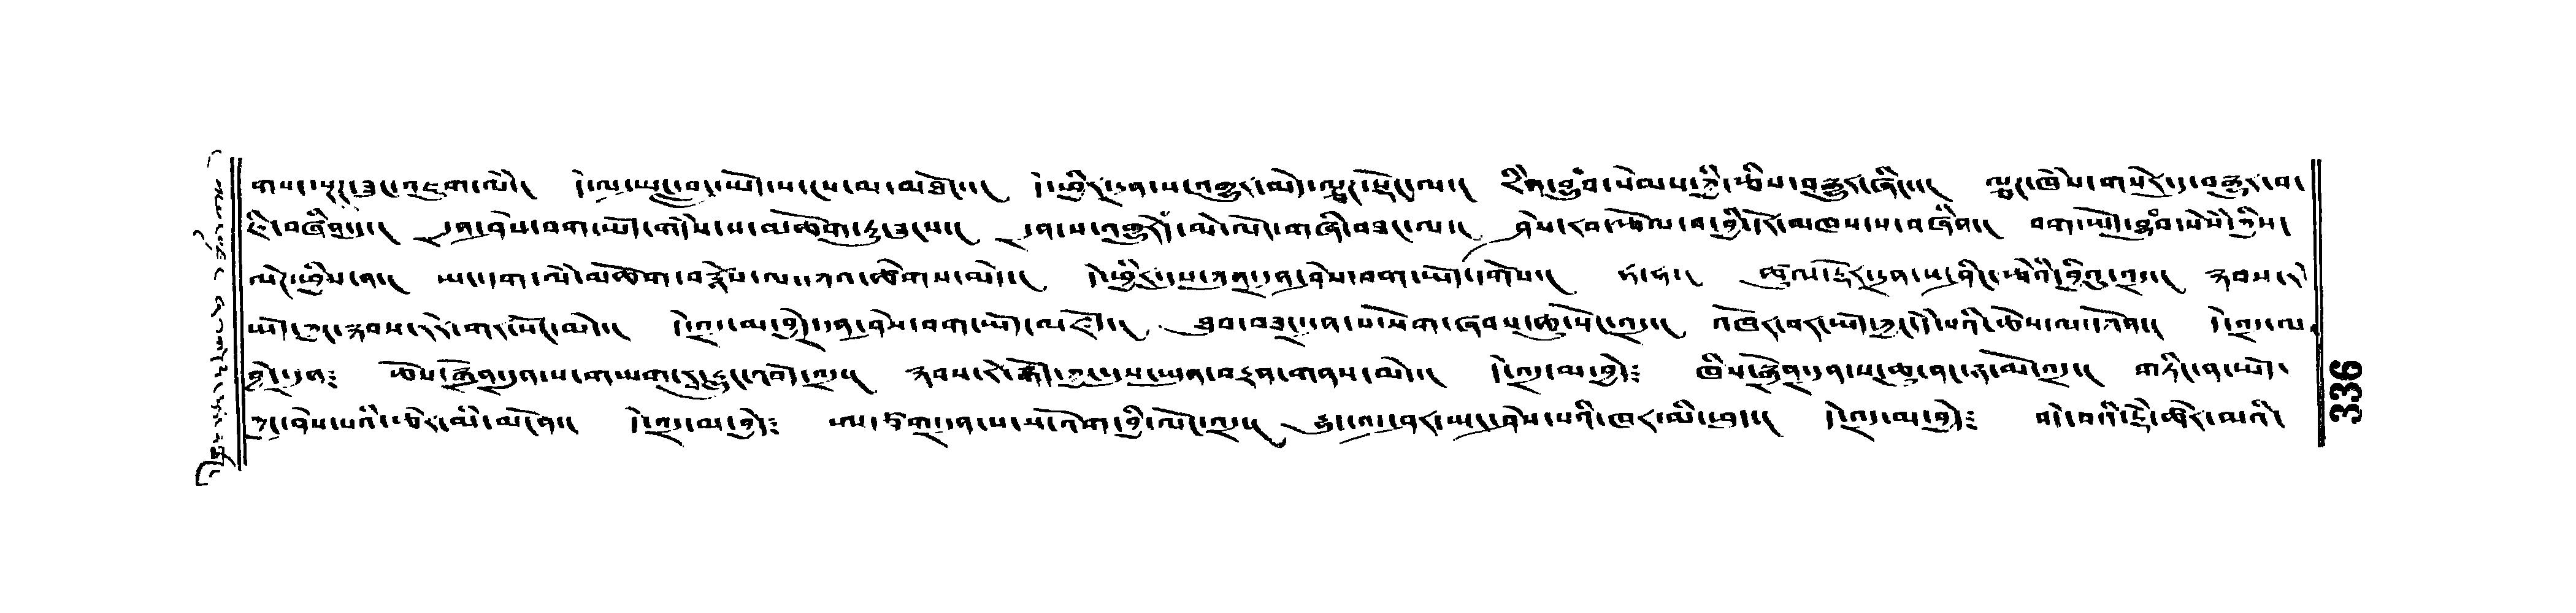གསང་སྔགས་ཟུང་འཇུག་ལམ། །དེ་ལ་སྤང་བླང་ཡོད་པ་ངས་མ་མཐོང་། །དེ་ཕྱིར་དྲན་པ་འགྱུར་མེད་ལྕགས་སྡོང་ལ། །རིན་ཆེན་བྱང་ཆུབ་སེམས་ཀྱི་རྩིེས་བསྒྱུར་ཞིང་། །ལྕགས་ཁམས་གསེར་དུ་བསྒྱུར་བ་
ཇི་བཞིན་དུ། །དྲན་ཤེས་བག་ཡོད་གདམས་པ་མཆོག་ཏུ་ཟུངས། །དྲན་པ་འགྱུར་མེད་མེ་ལོང་གཞི་བཟང་ལ། །ཤེས་རབ་རྩོལ་བ་བྱི་དོར་མཁས་པ་བཞིན། །བག་ཡོད་བྱང་ཆུབ་སེམས་ཀྱིས་
ལེགས་ཕྱིས་ན། །ཡང་དག་ལམ་མཆོག་བརྙེས་ལ་དཀའ་ཚེགས་མེད། །དེ་ཕྱིར་དུས་ཀུན་དྲན་ཤེས་བག་ཡོད་དགོས།། ཧ་ཧ། ཚུལ་རྡོར་དྲན་པ་ཤིང་རྩེའི་བྱིའུ་འདྲ། །སྐབས་རེ་
ཡོད་ཀྱང་སྐབས་རེར་གར་སོང་མེད། །དེ་འདྲ་མ་བྱེད་དྲན་ཤེས་བག་ཡོད་མཛོད། །ཐུབ་བཟང་དྲན་པ་སོག་ཞབས་ཆུ་སོང་འདྲ། །འཁོར་བར་ཡོད་ཀྱང་དམ་པའི་ཆོས་ལ་དཀོན། །དེ་འདྲ་མ་
བྱེད་དྲན༴ ཆོས་སྒྲོན་དྲན་པ་གཡག་རྭ་རླུང་འབོད་འདྲ། །སྐབས་རེ་རྒོད་ཀྱང་དུས་ཡུན་བརྟན་གནས་མེད། །དེ་འདྲ་མ་བྱེད༴ ཁིས་སྒྲོན་དྲན་པ་ཆུ་ནང་ཉ་མོ་འདྲ། །གཏིང་ན་ཡོད་
ཀྱང་ཤེས་པའི་རྩེར་མི་མངོན། །དེ་འདྲ་མ་བྱེད༴ ཨ་ཙག་དྲན་པ་ས་འོག་བྱི་ལོང་འདྲ། །རྒྱུད་ལ་ཤར་ཡང་ཤེས་པའི་ཁར་མི་ཕུད། །དེ་འདྲ་མ་བྱེད༴ བདེ་བའི་རྡོ་རྗེ་ཚེར་མའི་